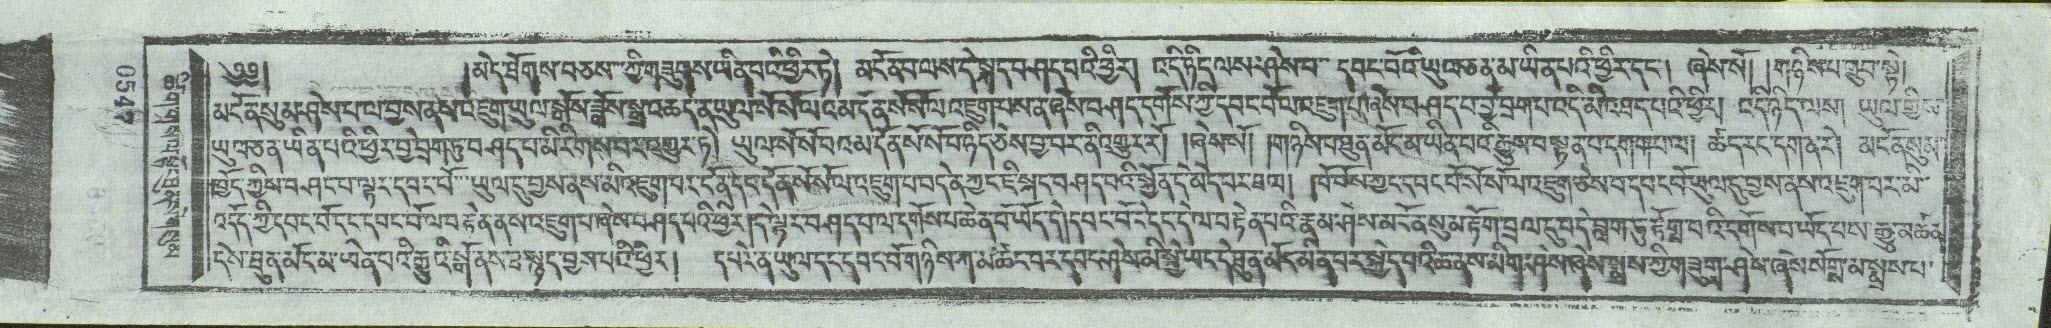༄༅། །མེད་ཐོགས་བཅས་ཀྱི་གཟུགས་ཡིན་པའི་ཕྱིར་ཏེ། མངོན་པ་ལས་དེ་སྐད་བཤད་པའི་ཕྱིར། འདི་ཉིད་ལས་ཤེས་པ་དབང་པོའི་ཡུལ་ཅན་མ་ཡིན་པའི་ཕྱིར་དང་། ཞེས་སོ། །གཉིས་པ་གྲུབ་སྟེ།
མངོན་སུམ་ཤེས་པ་ལ་བྱས་ནས་འཇུག་ཡུལ་སྒོས་ཟློས་སྒྲ་འཆད་ན་ཡུལ་སོ་སོ་ལའམ་དོན་སོ་སོ་ལ་འཇུག་པས་ན་ཞེས་བཤད་དགོས་ཀྱི་དབང་པོ་ལ་འཇུག་པ་ཞེས་བཤད་པ་བྱེ་བྲག་པ་འདི་མི་འཐད་པའི་ཕྱིར། འདི་ཉིད་ལས། ཡུལ་གྱིས་
ཡུལ་ཅན་ཡིན་པའི་ཕྱིར་བྱེ་བྲག་ཏུ་བཤད་པ་མི་རིགས་པར་འགྱུར་ཏེ། ཡུལ་སོ་སོ་པའམ་དོན་སོ་སོ་པ་ཉིད་ཅེས་བྱ་བར་ནི་འགྱུར་རོ། །ཞེས་སོ། །གཉིས་པ་ཐུན་མོང་མ་ཡིན་པའི་རྒྱུས་བསྟན་པ་དགག་པ་ལ། ཚད་རང་དག་ན་རེ། མངོན་སུམ་
ཁྱོད་ཀྱིས་བཤད་པ་ལྟར་དབང་པོ་ཡུལ་དུ་བྱས་ནས་མི་འཇུག་པར་དོན་དང་དོན་སོ་སོ་ལ་འཇུག་པ་བདེན་ཀྱང་ཇི་སྐད་བཤད་པའི་སྐྱོན་དེ་མེད་པར་ཐལ། ཁོ་བོས་ཀྱང་དབང་པོ་སོ་སོ་ལ་འཇུག་ཅེས་པ་དབང་པོ་ཡུལ་དུ་བྱས་ནས་འཇུག་པར་མི་
འདོད་ཀྱི་དབང་པོ་དང་དབང་པོ་ལ་བརྟེན་ནས་འཇུག་པ་ཞེས་བཤད་པའི་ཕྱིར། དེ་ལྟར་བཤད་པ་ལ་དགོས་པ་ཆེན་པོ་ཡོད་དེ། དབང་པོ་དེ་དང་དེ་ལ་བརྟེན་པའི་རྣམ་ཤེས་མངོན་སུམ་རྟོག་བྲལ་དུ་བདེ་བླག་ཏུ་རྟོགས་པའི་དགོས་པ་ཡོད་པས་རྒྱུ་མཚན་
དེས་ཐུན་མོང་མ་ཡིན་པའི་རྒྱུའི་སྒོ་ནས་ཐ་སྙད་བྱས་པའི་ཕྱིར། དཔེར་ན་ཡུལ་དང་དབང་པོ་གཉིས་ཀ་མ་ཚང་པར་དབང་ཤེས་མི་སྐྱེ་ཡང་དེ་ཐུན་མོང་མིན་པར་སྐྱེད་པའི་ཆ་ནས་མིག་ཤེས་ཞེས་སྨྲས་ཀྱི་གཟུགས་ཤེས་ཞེས་སོགས་མ་སྨྲས་པ་